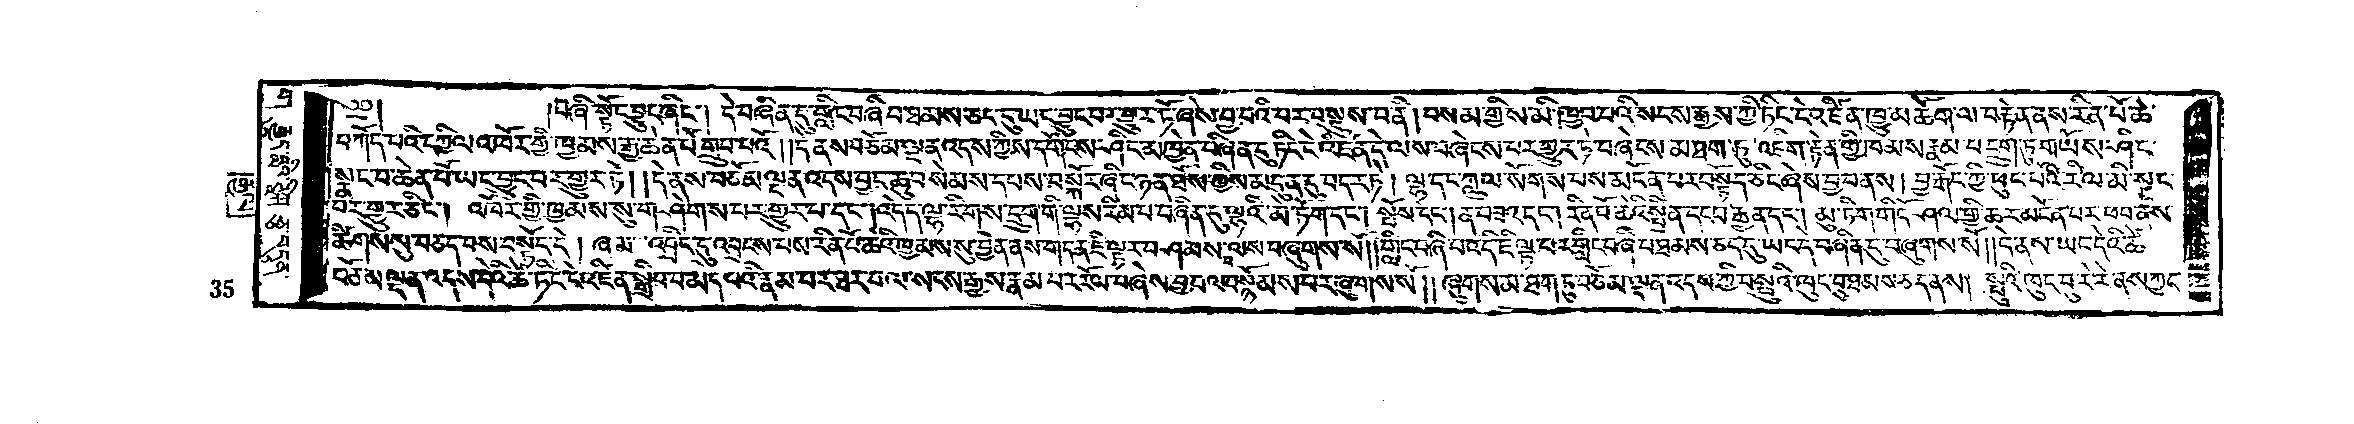༄༅། །བཞི་སྟོང་བྱུང་ཞིང་། དེ་བཞིན་དུ་གླིང་བཞི་པ་ཐམས་ཅད་དུ་ཡང་བྱུང་བར་གྱུར་ཏོ་ཞེས་བྱ་བའི་བར་བསྡུས་པ་ནི། བསམ་གྱིས་མི་ཁྱབ་པའི་སངས་རྒྱས་ཀྱི་ཏིང་ངེ་འཛིན་ཁྱུ་མཆོག་ལ་བརྟེན་ནས་རིན་པོ་ཆེ་
བཀོད་པའི་དཀྱིལ་འཁོར་གྱི་ཁྱམས་རྒྱ་ཆེན་པོ་གྲུབ་པའོ། །དེ་ནས་བཅོམ་ལྡན་འདས་ཀྱིས་དགོངས་ཤིང་མཁྱེན་བཞིན་དུ་ཏིང་ངེ་འཛིན་དེ་ལས་བཞེངས་པར་གྱུར་ཏེ་བཞེངས་མ་ཐག་ཏུ་འཇིག་རྟེན་གྱི་ཁམས་རྣམ་པ་དྲུག་ཏུ་གཡོས་ཤིང་
སྣང་བ་ཆེན་པོ་ཡང་བྱུང་བར་གྱུར་ཏེ། །དེ་ནས་བཅོམ་ལྡན་འདས་བྱང་ཆུབ་སེམས་དཔས་བསྐོར་ཞིང་ཉན་ཐོས་ཀྱིས་མདུན་དུ་བདར་ཏེ། ལྷ་དང་ཀླུལ་སོགས་པས་མངོན་པར་བསྟོད་ཅིང་ཞེས་བྱ་བ་ནས། བྱ་རྒོང་ཀྱི་ཕུང་པོའི་རི་ལ་མི་སྡང་
བར་གྱུར་ཅིང་། འཁོར་གྱི་ཁྱམས་སུ་གཤེགས་པར་གྱུར་པ་དང་། འདོད་ལྷ་རིགས་དྲུག་གི་ལྷས་རིམ་པ་བཞིན་དུ་ལྷའི་མེ་ཏོག་དང་། སྤོས་དང་། ན་བཟའ་དང་། རིན་པོ་ཆེའི་སྤྲིན་དང་བ་རྒྱན་དང་། མུ་ཏིག་གི་དོ་ཤལ་གྱི་ཆར་མངོན་པར་ཕབ་ནས་
ཚིགས་སུ་བཅད་པས་བསྟོད་དེ། ཞམ་འབྲིང་དུ་འབྲངས་པས་རིན་པོ་ཆེའི་ཁྱམས་སུ་བྱེན་ནས་གདན་ཇི་ལྟར་བཤམས་པ་ལས་བཞུགས་སོ། །གླིང་བཞི་པ་འདི་ཇི་ལྟ་བར་གླིང་བཞི་པ་ཐམས་ཅད་དུ་ཡང་དེ་བཞིན་དུ་བཞུགས་སོ། །དེ་ནས་ཡང་དེའི་ཚེ་
བཅོམ་ལྡན་འདས་དེའི་ཚེ་ཏིང་ངེ་འཛིན་སྒྲིབ་པ་མེད་པའི་རྣམ་པར་ཐར་པ་ལ་སངས་རྒྱས་རྣམ་པར་རོལ་བཞེས་བྱ་བ་ལ་བསྙོམས་པར་ཞུགས་སོ། །ཞུགས་མ་ཐག་ཏུ་བཅོམ་ལྡན་འདས་ཀྱི་བ་སྤུའི་ཁུང་བུ་ཐམས་ཅད་ནས། སྤུའི་ཁུང་བུ་རེ་རེ་ནས་ཀྱང་